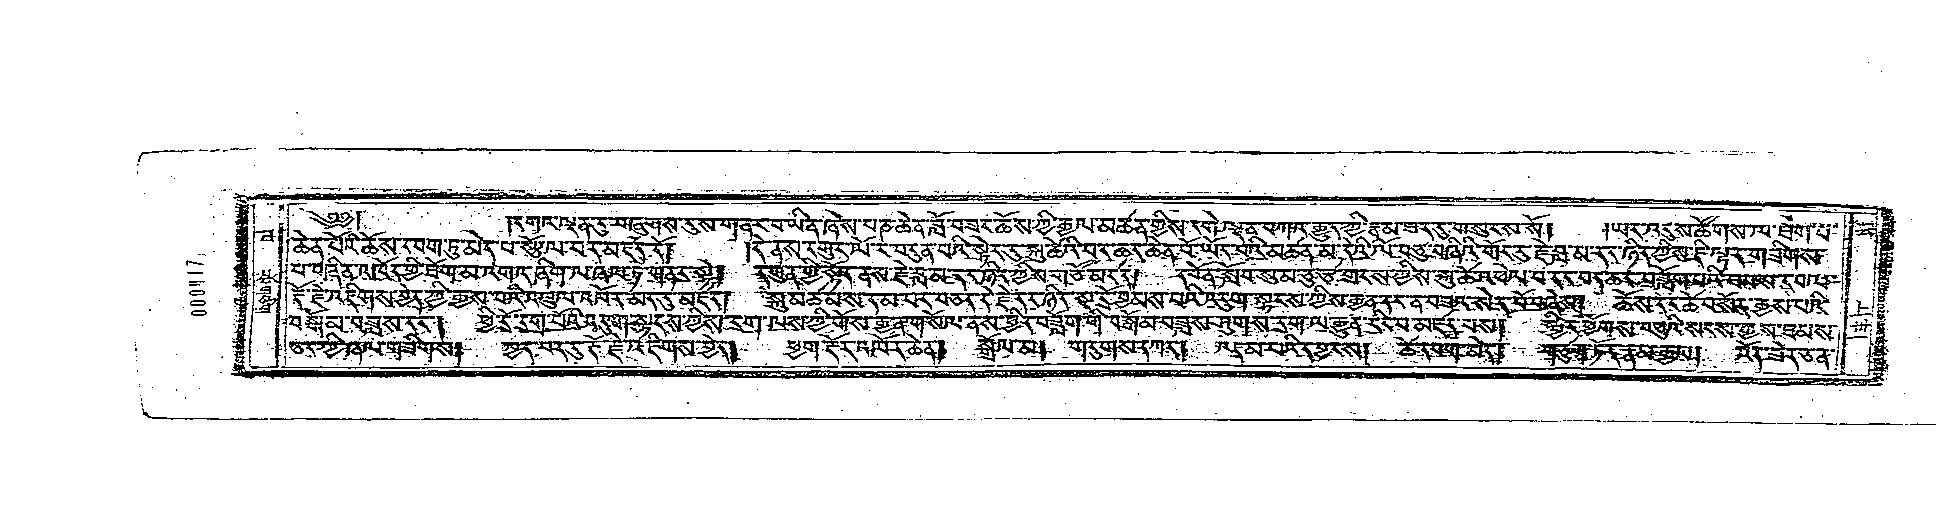༄༅། །དགའ་ལྡན་དུ་བཞུགས་དུས་གནང་བ་ཡིན་ཞེས་པཎ་ཆེན་བློ་བཟང་ཆོས་ཀྱི་རྒྱལ་མཚན་གྱིས་དགེ་ལྡན་བཀའ་རྒྱུད་ཀྱི་རྣམ་ཐར་དུ་གསུངས་སོ། །ཡང་འདུས་ཚོགས་ལ་ཐེག་པ་
ཆེན་པོའི་ཆོས་དཔག་ཏུ་མེད་པ་སྩོལ་བར་མཛད་དོ། །དེ་ནས་དགུང་ལོ་ང་བདུན་པའི་སྟེང་དུ་སྐུ་ཚེའི་བར་ཆད་ཆེན་པོ་ཡོང་བའི་མཚན་མ་དེའི་ལོ་བཅུ་བཞིའི་གོང་དུ་རྗེ་བླ་མ་རང་ཉིད་ཀྱིས་ཇི་ལྟར་གཟིགས་
པ་བཞིན་འཁོར་གྱི་ཐོག་མ་འགའ་ཞིག་ལ་ཞལ་ཏ་གནང་སྟེ། དགུན་གྱི་སྟོང་ནས་རྗེ་བླ་མ་དང་ཉིད་ཀྱིས་གཙོ་མཛད། དབོན་སློབ་སུམ་ཅུ་རྩ་གྲངས་ཀྱིས་སྐུ་ཚེ་འཕེལ་བ་དང་བད་ཆད་བཟློག་པའི་ཐབས་དཔལ་
རྡོ་རྗེ་འཇིགས་བྱེད་ཀྱི་རྒྱས་པའི་འཁྲུལ་འཁོར་མང་དུ་མཛད། སྐུ་མཚམས་དམ་པར་བཅད་དེ་རྗེ་དང་ཉིད་སྔ་དྲོ་བྱམས་པའི་འདུག་སྟངས་ཀྱིས་རྒྱན་དང་ན་བཟའ་སེར་པོ་བཞེས། ཆོས་དང་ཏེས་བསོད་རྒྱས་པའི་
བསྒོམ་བཟླས་དང་། ཕྱི་དྲོ་དྲག་པོའི་འདུག་སྟངས་ཀྱིས་དྲག་ལས་ཀྱི་གོས་རྒྱན་གསོལ་ནས་ཕྱིར་བཟློག་གི་བསྒོམ་བཟླས་ཤུགས་དྲག་ལ་རྒྱུན་རིང་བ་མཛད་པས། སྤྱིར་ཕྱོགས་བཅུའི་སངས་རྒྱས་ཐམས་
ཅད་ཀྱི་ཞལ་གཟིགས། ཁྱད་པར་དུ་རྡོ་རྗེ་འཇིགས་བྱེད། ཕྱག་རྡོར་འཁོར་ཆེན། སྒྲོལ་མ། གདུགས་དཀད། འཇམ་པའི་དབྱངས། ཚེ་དཔག་མེད། གཙུག་ཏོར་རྣམ་རྒྱལ། འོད་ཟེར་ཅན་